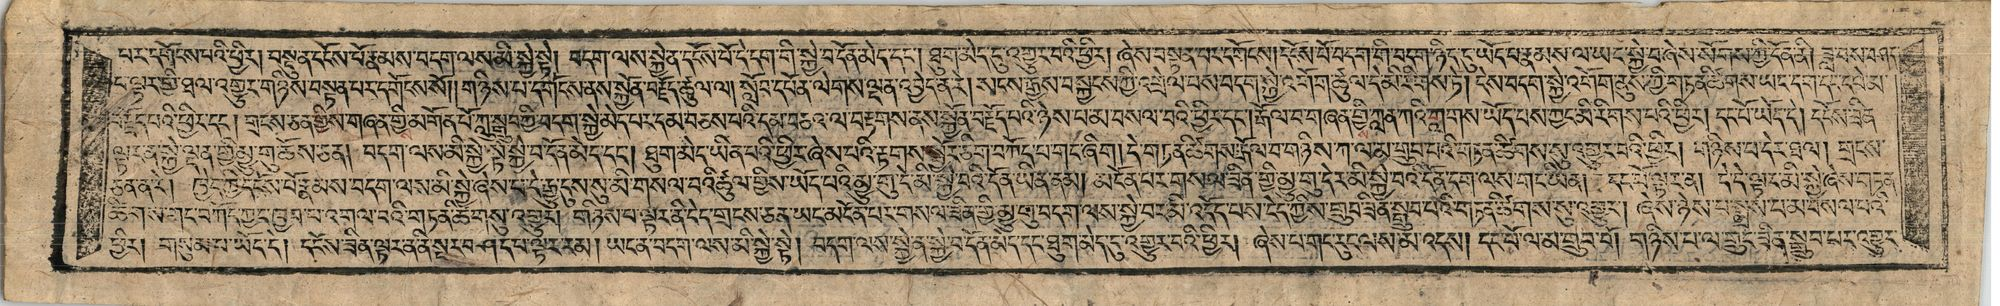པར་དགོངས་པའི་ཕྱིར། བསྡུ་ན་དངོས་པོ་རྣམས་བདག་ལས་མི་སྐྱེ་སྟེ། བདག་ལས་སྐྱེནྡྔོས་པོ་དེ་དག་གི་སྐྱེ་བ་དོན་མེད་དང་། ཐུག་མེད་དུ་འགྱུར་བའི་ཕྱིར། ཞེས་བསྟན་པར་དགོངས། དངོས་པོ་བདག་གི་བདག་ཉིད་དུ་ཡོད་པ་རྣམས་ལ་ཡང་སྐྱེ་བ་ཞེས་སོགས་ཀྱི་དོན་ནི། ཟླ་བས་བཤད་
པ་ལྟར་གྱི་ཐལ་འགྱུར་གཉིས་བསྟན་པར་དགོངས་སོ། །གཉིས་པ་དགོངས་ནས་སྐྱོན་བརྗོད་ཚུལ་ལ། སློབ་དཔོན་ལེགས་ལྡན་འབྱེད་ན་རེ། སངས་རྒྱས་བསྐྱངས་ཀྱི་འགྲེལ་བས་བདག་སྐྱེ་འགོག་ཚུལ་དེ་མི་རིགས་ཏེ། དེས་བདག་སྐྱེ་འགོག་ནུས་ཀྱི་གཏན་ཚིགས་ཡང་དག་དང་དཔེ་མ་
བརྗོད་པའི་ཕྱིར་དང་། གྲངས་ཅན་གཞན་གྱིས་མགོན་པོ་ཀླུ་སྒྲུབ་ཀྱི་བདག་སྐྱེ་མེད་པར་དམ་བཅས་པའི་དམ་བཅའ་ལ་བརྟགས་ནས་སྐྱོན་བརྗོད་པའི་ཉེས་པ་མ་བསལ་བའི་ཕྱིར་དང་། རྒོལ་བ་གཞན་གྱིས་ཀླན་ཀའི་གླགས་ཡོད་པས་ཀྱང་མི་རིགས་པའི་ཕྱིར། དང་པོ་ཡོད་དེ། དངོས་ཟིན་
ལྟར་ན་སྐྱེ་ལྡན་གྱི་མྱུ་གུ་ཆོས་ཅན། བདག་ལས་མི་སྐྱེ་སྟེ་སྐྱེ་བ་དོན་མེད་དང་། ཐུག་མེད་ཡིན་པའི་ཕྱིར་ཞེས་པའི་རྟགས་སྦྱོར་ཅིག་བཀོད་པ་གང་ཞིག །དེ་གཏན་ཚིགས་རྒོལ་བ་གཉིས་ཀ་ལ་མ་གྲུབ་པའི་གཏན་ཚིགས་སུ་འགྱུར་བའི་ཕྱིར། གཉིས་པ་དེར་ཐལ། གྲངས་
ཅན་ན་རེ། ཁྱེད་ཀྱི་དངོས་པོ་རྣམས་བདག་ལས་མི་སྐྱེ་ཞེས་པ་དེ་རྒྱུ་དུས་སུ་མི་གསལ་བའི་ཚུལ་གྱིས་ཡོད་པའི་མྱུ་གུ་དེ་མི་སྐྱེ་བའི་དོན་ཡིན་ནམ། མངོན་པར་གསལ་ཟིན་གྱི་མྱུ་གུ་དེར་མི་སྐྱེ་བའི་དོན་དག་ལས་གང་ཡིན། དང་པོ་ལྟར་ན། དེ་དེ་ལྟར་མི་སྐྱེ་ཞེས་གཏན་
ཚིགས་གང་བཀོད་ཀྱང་ཁྱབ་པ་འགལ་བའི་གཏན་ཚིགས་སུ་འགྱུར། གཉིས་པ་ལྟར་ནི་ངེད་གྲངས་ཅན་ཡང་མངོན་པར་གསལ་ཟིན་གྱི་མྱུ་གུ་བདག་ལས་སྐྱེ་བར་མི་འདོད་པས་ངེད་ཀྱིས་གྲུབ་ཟིན་སྒྲུབ་པའི་གཏན་ཚིགས་སུ་འགྱུར། ཞེས་ཉེས་པ་སྨྲས་པ་མ་བསལ་བའི་
ཕྱིར། གསུམ་པ་ཡོད་དེ། དངོས་ཟིན་ལྟར་ན་ནི་སྔར་བཤད་པ་ལྟར་རམ། ཡང་ན་བདག་ལས་མི་སྐྱེ་སྟེ། བདག་ལས་སྐྱེ་ན་སྐྱེ་བ་དོན་མེད་དང་ཐུག་མེད་དུ་འགྱུར་བའི་ཕྱིར། ཞེས་པ་གང་རུང་ལས་མ་འདས། དང་པོ་ལ་མ་གྲུབ་བོ། གཉིས་པ་ལ་གྲུབ་ཟིན་སྒྲུབ་པར་འགྱུར་